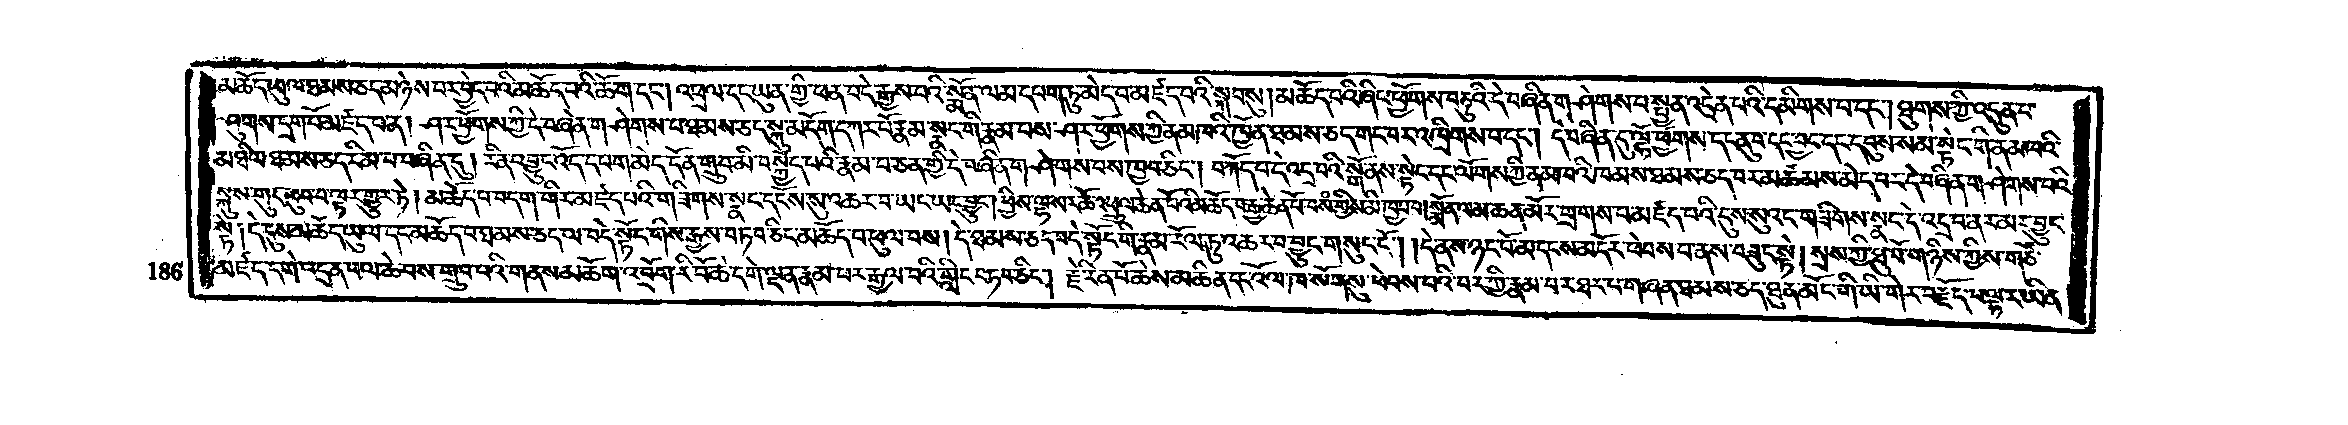མཆོད་ཕུལ་ཐམས་ཅད་མཉེས་པར་བྱེད་པའི་མཆོད་པའི་ཆོ་ག་དང་། འཕྲལ་དང་ཡུན་གྱི་ཕན་བདེ་རྒྱས་པའི་སྨོན་ལམ་དཔག་ཏུ་མེད་པ་མཛད་པའི་སྐབས་སུ། མཆོད་པའི་ཞིང་ཕྱོགས་བཅུའི་དེ་བཞིན་གཤེགས་པ་སྤྱན་འདྲེན་པའི་དམིགས་པ་དང་། ཐུགས་ཀྱི་འདུན་པ་
ཤུགས་དྲག་པོ་མཛད་པ་ན། ཤར་ཕྱོགས་ཀྱི་དེ་བཞིན་གཤེགས་པ་ཐམས་ཅད་སྐུ་མདོག་དཀར་པོ་རྣམ་སྣང་གི་རྣམ་པས་ཤར་ཕྱོགས་ཀྱི་ནམ་མཁའི་ཁྱོན་ཐམས་ཅད་གང་བར་འཁྲིགས་པ་དང་། དེ་བཞིན་དུ་ལྷོ་ཕྱོགས་དང་ནུབ་དང་བྱང་དང་དབུས་སམ་སྟེང་གི་ནམ་མཁའི་
མཐིལ་ཐམས་ཅད་རིམ་པ་བཞིན་དུ། རིན་འབྱུང་འོད་དཔག་མེད་དོན་གྲུབ་མི་བསྐྱོད་པའི་རྣམ་པ་ཅན་གྱི་དེ་བཞིན་གཤེགས་པས་ཁྱབ་ཅིང་། བཀོད་པ་དེ་འདྲ་བའི་སྒོ་ནས་སྟེང་དང་ལོགས་ཀྱི་ནམ་མཁའི་ཁམས་ཐམས་ཅད་བར་མཚམས་མེད་པར་དེ་བཞིན་གཤེགས་པའི་
སྐུས་གུང་ཕུབ་བ་ལྟར་གྱུར་ཏེ། མཆོད་པ་བདག་གིར་མཛད་པའི་གཟིགས་སྣང་དངོས་སུ་འཆར་བ་ཡང་ཡང་བྱུང་། ཕྱིས་ལྷ་སར་ཆོ་འཕྲུལ་ཆེན་པོའི་མཆོད་བརྒྱ་ཆེན་པོ་བསམ་གྱིས་མི་ཁྱབ་པ། སྨོན་ལམ་ཆན་མོར་གྲགས་པ་མཛད་པའི་དུས་སུའང་གཟིགས་སྣང་དེ་འདྲ་བ་ནར་མར་བྱུང་
སྟེ༑ དེ་དུས་མཆོད་ཡུལ་དང་མཆོད་པ་ཐམས་ཅད་ལ་བདེ་སྟོང་གིས་རྒྱས་བཏབ་ཅིང་མཆོད་པ་ཕུལ་བས། དེ་ཐམས་ཅད་བདེ་སྟོང་གི་རྣམ་རོལ་ཏུ་འཆར་བ་བྱུང་གསུང་ངོ། །དེ་ནས་ཉང་པོ་མདངས་མདོར་ཕེབས་པ་ནས་བཟུང་སྟེ། སྲས་ཀྱི་ཐུ་བོ་གཉིས་ཀྱིས་གཙོ་
མཛད་དགེ་འདྲན་ཕལ་ཆེ་བས་གྲུབ་པའི་གནས་མཆོག་འབྲོག་རི་བོ་ཆེ་དགེ་ལྡན་རྣམ་པར་གྱལ་བའི་གླིང་བཏབ་ཅིང་། རྗེ་རིན་པོ་ཆེས་མཆིན་དང་འོ་ལ་ཁ་སོགས་སུ་ཕེབས་པའི་བར་ཀྱི་རྣམ་པར་ཐར་པ་གཞན་ཐམས་ཅད་ཐུན་མོང་གི་ཡི་གེར་བརྗོད་པ་ལྟར་ཡིན་